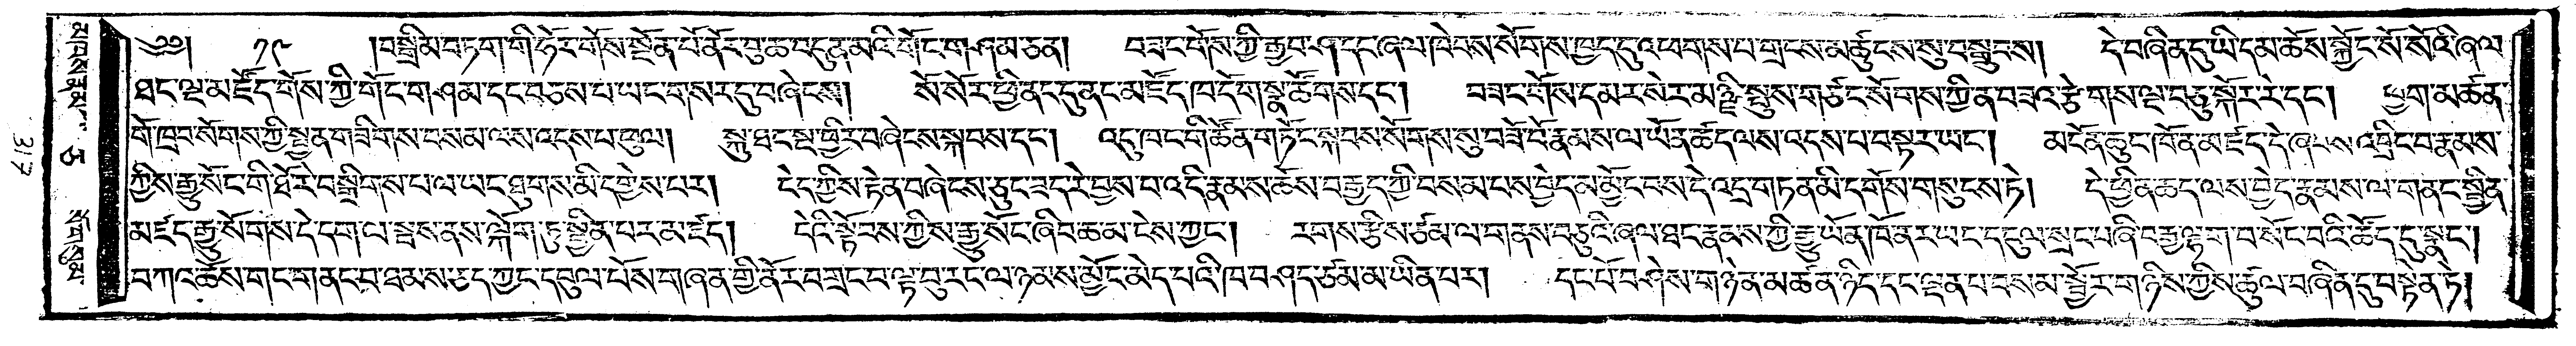༄༅། ༡༩།བསྒྲིམ་བཏག་གི་ཧོར་གོས་སྔོན་པོ་ནོར་བུ་ཆ་བདུན་མའི་གོང་གཤམ་ཅན། བཟང་གོས་ཀྱི་རྒྱབ་ཤ་དང་ཞལ་ཁེབས་སོགས་ཁྱད་དུ་འཕགས་པ་གྲངས་མཚུངས་སུ་བསྒྲུབས། དེ་བཞིན་དུ་ཡི་དམ་ཆོས་སྐྱོང་སོ་སོའི་ཞལ་
ཐང་ལྔ་མཛོད་གོས་ཀྱི་གོང་གཤམ་དང་བཅས་པ་ལང་གསར་དུ་བཞེངས། སོ་སོར་ཕྱི་ནང་དུ་ནང་མཛོད་ཁ་དོག་སྣ་ཚོགས་དང་། བཟང་གོས་དམར་སེར་མཉྫི་སྤུས་གཙང་སོགས་ཀྱི་ན་བཟའ་རྩེགས་ལྔ་བཅུ་སྐོར་རེ་དང་། ཕྱག་མཚན་
གོ་ཁྲབ་སོགས་ཀྱི་སྤྱན་གཟིགས་བསམ་ལས་འདས་པ་ཕུལ། སྐུ་ཐང་སྔ་ཕྱིར་བཞེངས་སྐབས་དང་། འདུ་ཁང་གི་ཚོན་གཏོང་སྐབས་སོགས་སུ་བཟོ་བོ་རྣམས་ལ་ཡོན་ཚད་ལས་འདས་པ་བསྟར་ཡང་། མངོན་ཆུང་ཁོ་ན་མཛད་དེ་ཞབས་འབྲིང་བ་རྣམས་
ཀྱིས་རྒྱུ་སོང་གི་ཐོ་རེ་བསྒྲིགས་པ་ལ་ཡང་ཐུགས་མི་དགྱེས་པར། ངེད་ཀྱིས་རྟེན་བཞེངས་ཅུང་ཟད་རེ་བྱས་པ་འདི་རྣམས་ཆོས་བརྒྱད་ཀྱི་བསམ་པས་བྱེད་མ་མྱོང་བས་དེ་འདྲ་གཏན་མི་དགོས་གསུངས་ཏེ། དེ་ཕྱིན་ཆད་ལས་བྱེད་རྣམས་ལ་གནང་སྦྱིན་
མཛད་རྒྱུ་སོགས་དེ་དག་ལ་སྦས་ནས་ལྐོག་ཏུ་སྦྱིན་པར་མཛད། དེའི་སྟོབས་ཀྱིས་རྒྱུ་སོང་ཞིབ་ཆ་མ་ངེས་ཀྱང་། རགས་རྩིས་ཙམ་ལ་གནས་བཅུའི་ཞལ་ཐང་རྣམས་ཀྱི་རྒྱུ་ཡོན་ཁོ་ནར་ཡང་དངུལ་སྲང་བཞི་བརྒྱ་ལྷག་བ་སོང་བའི་ཆོད་དུ་སྣང་།
བཀའ་ཆོས་གང་གནང་བ་ཐམས་ཅད་ཀྱང་དབུལ་པོས་གཞན་གྱི་ནོར་བགྲང་བ་ལྟ་བུ་རང་ལ་ཉམས་མྱོང་མེད་པའི་ཁ་བཤད་ཙམ་མ་ཡིན་པར། དང་པོ་བཤེས་གཉེན་མཚན་ཉིད་དང་ལྡན་པ་བསམ་སྦྱོར་གཉིས་ཀྱིས་ཚུལ་བཞིན་དུ་བསྟེན་ཏེ།